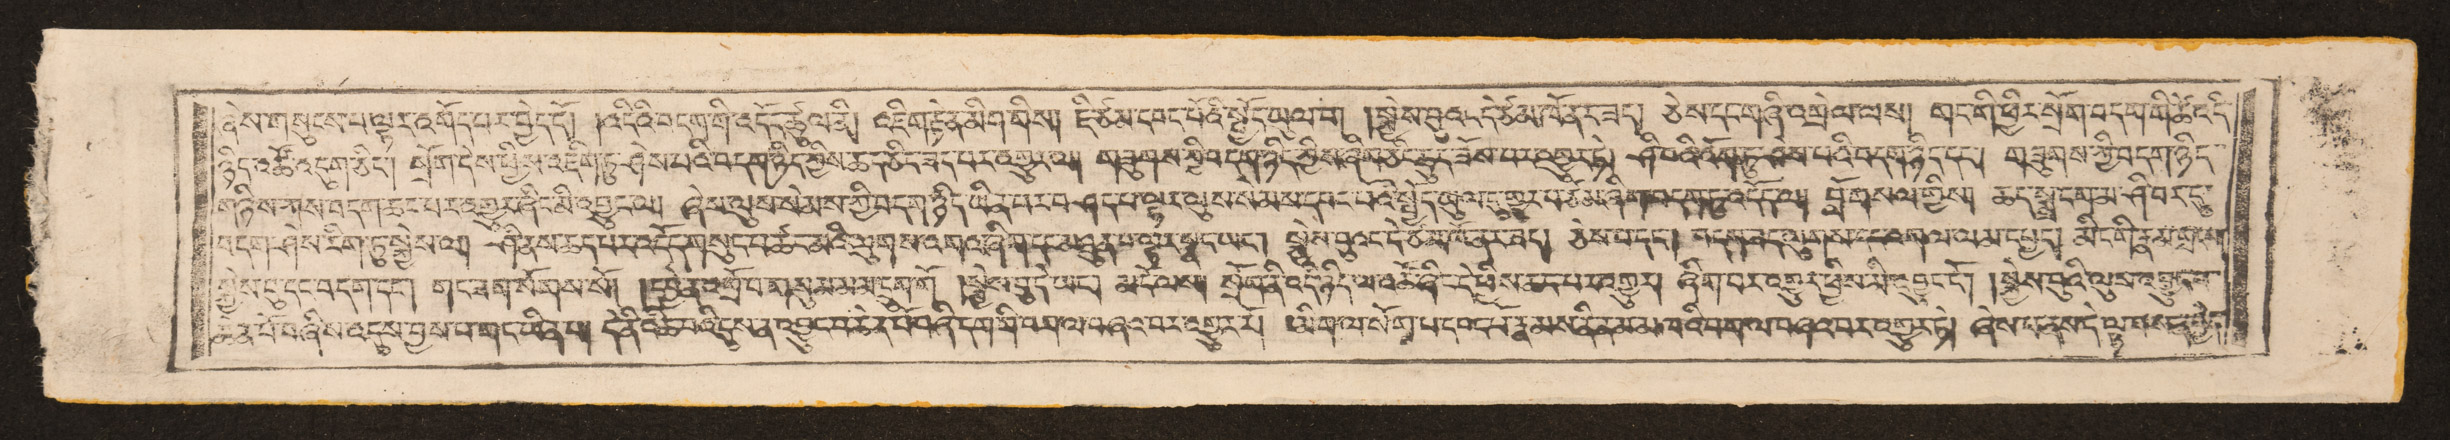ཞེས་གསུངས་པ་ལྟར་འགོད་པར་བྱེད་དོ། །འདིའི་བདག་གི་འདོད་ཚུལ་ནི། འཇིག་རྟེན་མིག་གིས། ཇི་ཙམ་དབང་པོའི་སྤྱོད་ཡུལ་བ། །སྐྱེས་བུའང་དེ་ཙམ་ཁོ་ནར་ཟད། ཅེས་དང་གཞི་འགྲེལ་ལས། གང་གི་ཕྱིར་སྲོག་བདག་གི་ཚེ་འདི་
ཉིད་འཚོ་འདུག་ཅིང་། སྲོག་དེས་ཕྱིས་འཇིག་ཏུ་ཤེས་པའི་བདག་ཉིད་ཀྱི་ཆད་ཅིང་ཟད་པར་འགྱུར་ལ། གཟུགས་ཀྱི་བདག་ཉིད་ཀྱིས་ཞིག་ཅིང་ཆུད་ཟོས་པར་འགྱུར་ཏེ། ཤི་པའི་འོག་ཏུ་ཤེས་པའི་བདག་ཉིད་དང་། གཟུགས་ཀྱི་བདག་ཉིད་
གཉིས་ཀས་བདག་ཆང་བར་འགྱུར་ཞིང་མི་འབྱུང་ལ། ཞེས་ལུས་སེམས་ཀྱི་བདག་ཉིད་ཡིན་པར་བཤད་པ་ལྟར་ལུས་སེམས་དབང་པོའི་སྤྱོད་ཡུལ་དུ་གྱུར་པ་ཙམ་ཞིག་བདག་ཏུ་འདོད་ལ། བློ་གསལ་གྱིས། ཆད་སྨྲ་ངག་མ་ཤི་བར་དུ་
བདག་ཤེས་རིག་ཏུ་སྐྱེས་ལ། ཤི་ནས་ཆད་པར་འདོད་གསུང་པ་ཚང་མའི་ལུགས་འགའ་ཞིག་དང་མཐུན་པ་ལྟར་སྣང་ཡང་། སྐྱེས་བུའང་དེ་ཙམ་ཁོ་ནར་ཟད། ཅེས་པ་དང་། བདག་ཟད་ལུགས་དང་འགལ་ལམ་དཔྱད། མིང་གི་རྣམ་གྲངས།
སྐྱེས་བུ་དང་བདག་དང་། གང་ཟག་སོགས་སོ། །དབྱེ་ན་འགྲོ་བ་གསུམ་མམ་དྲུག་གོ །སྐྱེས་བུ་དེ་ཡང་། མདོ་ལས། སྲོག་ནི་འདི་ཉིད་ལ་འཚོ་ཞིང་དེ་ཕྱིས་ཆད་པར་འགྱུར། ཞིག་པར་འགྱུར་ཕྱིས་མི་འབྱུང་ངོ། །སྐྱེས་བུའི་ལུས་འབྱུང་བ་
ཆེན་པོ་བཞིས་འདུས་བྱས་པ་གང་ཡིན་པ། དེ་ནི་འཆི་བའི་དུས་ན་འབྱུང་བ་ཆེན་པོ་བཞི་དག་གི་བགལ་བཞའ་བར་འགྱུར་རོ། །མིག་ལ་སོགས་པ་དབང་པོ་རྣམས་ནི་ནམ་མཁའི་བག་ལ་བཞའ་བར་འགྱུར་ཏེ། ཞེས་པ་ནས་དེ་ལྟ་བས་ན་བྱེད་